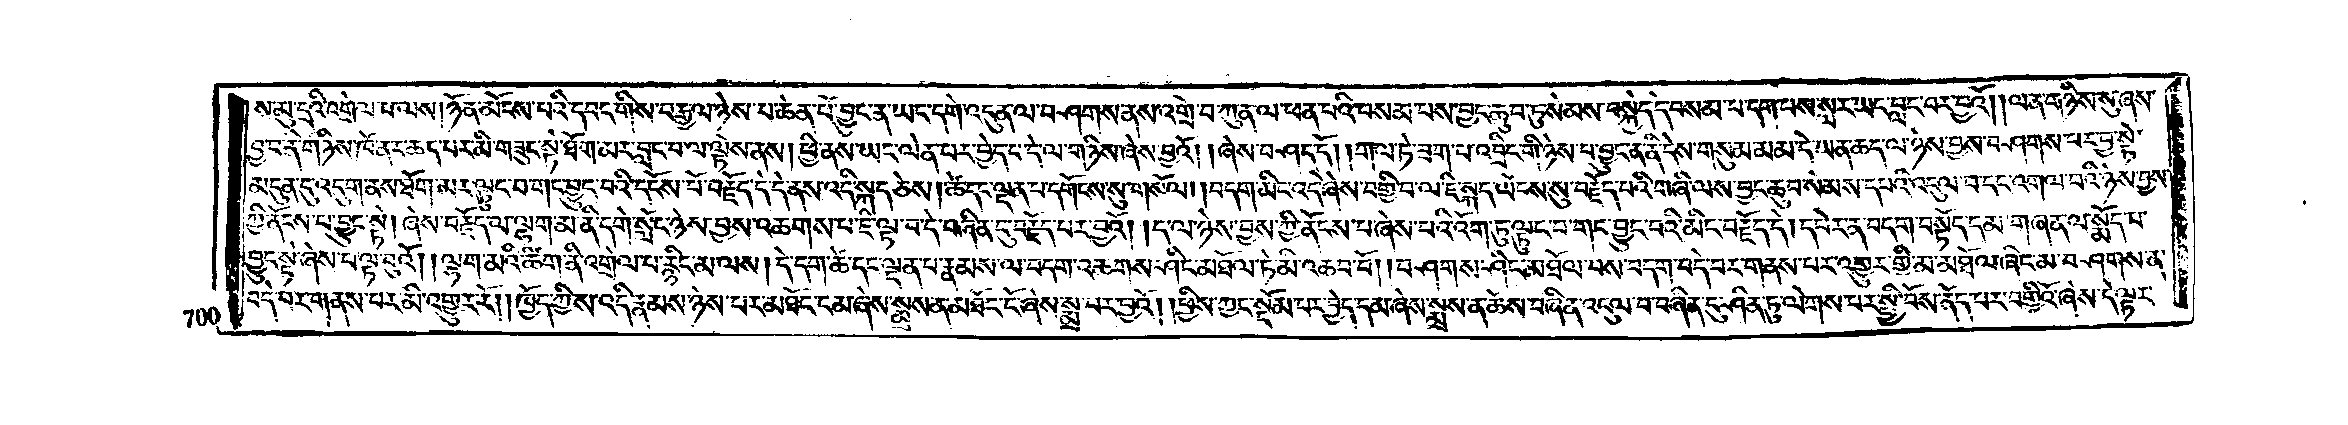ས་མུ་དྲའི་འགྲེལ་པ་ལས། ཉོན་མོངས་པའི་དབང་གིས་བརྒྱ་ལ་ཉེས་པ་ཆེན་པོ་བྱུང་ན་ཡང་དགེ་འདུན་ལ་བཤགས་ནས་འགྲེ་བ་ཀུན་ལ་ཕན་པའི་བསམ་པས་བྱང་ཆུབ་ཏུ་སེམས་བསྐྱེད་དེ་བསམ་པ་དག་པས་སླར་ཡང་བླང་བར་བྱའོ། །ལན་གཉིས་སུ་ཞས་
བྱ་བ་ནི་གཉིས་ཁོ་ནར་ཆད་པར་མི་གཟུང་སྟེ་ཐོག་མར་བླང་བ་ལ་ལྟེས་ནས། ཕྱི་ནས་ཡང་ལེན་པར་བྱེད་པ་དེ་ལ་གཉིས་ཞེས་བྱའོ། །ཞེས་བཤད་དོ། །གལ་ཏེ་ཟག་པ་འབྲིང་གི་ཉེས་པ་བྱུང་ན་ནི་དེས་གསུམ་མམ་དེ་ཡན་ཆད་ལ་ཉེས་བྱས་བཤགས་པར་བྱ་སྟེ་
མདུན་དུ་འདུག་ནས་ཐོག་མར་ལྟུང་བ་གང་བྱུང་བའི་དངོས་པོ་བརྗོད་དེ་དེ་ནས་འདི་སྐད་ཅེས། ཚེ་དང་ལྡན་པ་དགོངས་སུ་གསོལ། །བདག་མིང་འདེ་ཞེས་བགྱི་བ་ལ་ཇི་སྐད་ཡོངས་སུ་བརྗོད་པའི་གཞི་ལས་བྱང་ཆུབ་སེམས་དཔའི་འདུལ་བ་དང་འགལ་བའི་ཉེས་བྱས་
ཀྱི་ནོངས་པ་བྱུང་སྟེ། ཞེས་བརྗོད་ལ་ལྷག་མ་ནི་དགེ་སློང་ཉེས་བྱས་འཆགས་པ་ཇི་ལྟ་བ་དེ་བཞིན་དུ་བརྗོད་པར་བྱའོ། །ད་ལ་ཉེས་བྱས་ཀྱི་ནོངས་པ་ཞེས་པའི་འོག་ཏུ་ལྟུང་བ་གང་བྱུང་བའི་མིང་བརྗོད་དེ། དཔེར་ན་བདག་བསྟོད་དམ་གཞན་ལ་སྨོད་པ་
བྱུང་སྟེ་ཞེས་པ་ལྟ་བུའོ། །ལྷག་མའི་ཚིག་ནི་འགྲེལ་པ་རྙིང་མ་ལས། དེ་དག་ཚེ་དང་ལྡན་པ་རྣམས་ལ་བདག་འཆགས་ཤིང་མཐོལ་ཏེ་མི་འཆབ་བོ། །བཤགས་ཤིང་མཐོལ་བས་བདག་བདེ་བར་གནས་པར་འགྱུར་གྱི་མ་མཐོལ་ཞིང་མ་བཤགས་ན་
བདེ་བར་གནས་པར་མི་འགྱུར་རོ། །ཁྱོད་ཀྱིས་འདི་རྣམས་ཉེས་པར་མཐོང་ངམ་ཞེས་སྨྲས་ན་མཐོང་ངོ་ཞེས་སྨྲ་པར་བྱའོ། །ཕྱིས་ཀྱང་སྡོམ་པར་བྱེད་དམ་ཞེས་སྨྲས་ན་ཆོས་བཞིན་འདུལ་བ་བཞིན་དུ་ཤིན་ཏུ་ལེགས་པར་སྤྱི་བོས་ནོད་པར་བགྱིའོ་ཞེས་དེ་ལྟར་